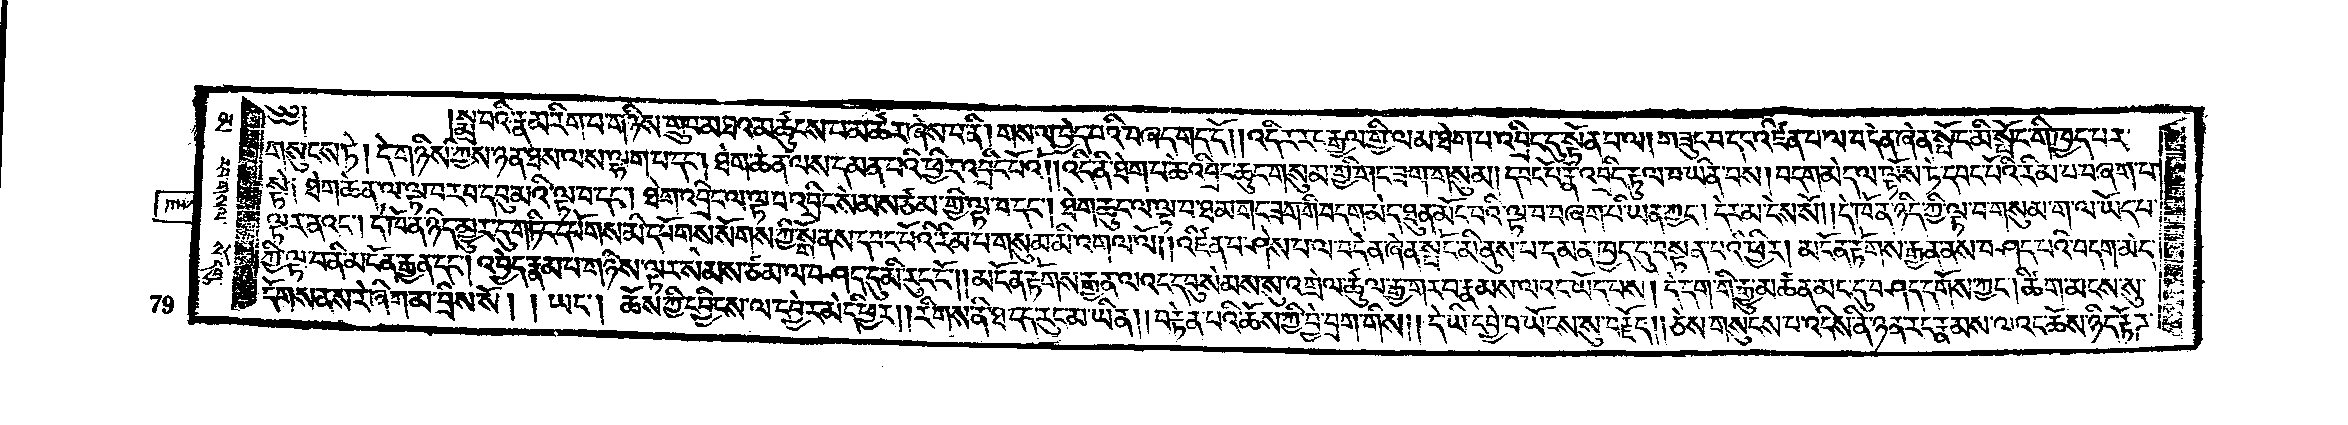༄༅། །སྨྲ་བའི་རྣམ་རིག་པ་གཉིས་གྲུབ་མཐའ་མཚུངས་པ་མཚར་ཞེས་པ་ནི། གསལ་བྱེད་པའི་བཞད་གད་དོ། །འདིར་རང་རྒྱལ་གྱི་ལམ་ཐེག་པ་འབྲིང་དུ་སྟོན་པ་ལ། གཟུང་བ་དང་འཛིན་པ་ལ་བདེན་ཞེན་སྤོང་མི་སྤོང་གི་ཁྱད་པར་
གསུངས་ཏེ། དེ་གཉིས་ཀྱིས་ཉན་ཐོས་ལས་ལྷག་པ་དང་། ཐེག་ཆེན་ལས་དམན་པའི་ཕྱིར་འབྲིང་པོའོ། །འདི་ནི་ཐེག་པ་ཆེ་འབྲིང་ཆུང་གསུམ་གྱི་གང་ཟག་གསུམ། དབང་པོ་རྣ་འབྲིང་རྟུལ་བ་ཡིན་པས། བདག་མེད་ལ་ལྟོས་ཏེ་དབང་པོའི་རིམ་པ་བཞག་པ་
སྟེ། ཐེག་ཆེན་ལ་ལྟ་བ་རབ་དབུ་མའི་ལྟ་བ་དང་། ཐེག་འབྲིང་ལ་ལྟ་བ་འབྲིང་སེམས་ཙམ་གྱི་ལྟ་བ་དང་། ཐེག་ཆུང་ལ་ལྟ་བ་ཐ་མ་གང་ཟག་གི་བདག་མེད་ཐུན་མོང་བའི་ལྟ་བ་བཞག་པ་ཡིན་ཀྱང་། དེར་མ་ངེས་སོ། །དེ་ཁོ་ན་ཉིད་ཀྱི་ལྟ་བ་གསུམ་ག་ལ་ཡོད་པ་
ལྟར་ནའང་། དེ་ཁོ་ན་ཉིད་མྱུར་དུ་གཏིང་དཔོགས་མི་དཔོགས་སོགས་ཀྱི་སྒོ་ནས་དབང་པོའི་རིམ་པ་གསུམ་མི་འགལ་ལོ། །འཛིན་པ་ཤེས་པ་ལ་བདེན་ཞེན་སྤོང་མི་ནུས་པ་དམན་ཁྱད་དུ་བསྟན་པའི་ཕྱིར། མངོན་རྟོགས་རྒྱན་ནས་བཤད་པའི་བདག་མེད་
ཀྱི་ལྟ་བ་ནི་མངོན་རྒྱན་དང་། འབྱེད་རྣམ་པ་གཉིས་ལྟར་སེམས་ཙམ་ལ་བཤད་དུ་མི་རུང་ངོ། །མངོན་རྟོགས་རྒྱན་ལའང་དབུ་སེམས་སུ་འགྲེལ་ཚུལ་རྒྱ་གར་བ་རྣམས་ལའང་ཡོད་པས། དེ་དག་གི་རྒྱུ་མཚན་མང་དུ་བཤད་དགོས་ཀྱང་། ཚིག་མངས་སུ་
དོགས་ནས་རེ་ཞིག་མ་བྲིས་སོ། །ཡང་། ཆོས་ཀྱི་དབྱིངས་ལ་དབྱེར་མེད་ཕྱིར། །རིགས་ནི་ཐ་དད་རུང་མ་ཡིན། །བརྟེན་པའི་ཆོས་ཀྱི་བྱེ་བྲག་གིས། །དེ་ཡི་དབྱེ་བ་ཡོངས་སུ་བརྗོད། །ཅེས་གསུངས་པ་འདིས་ནི་ཉན་རང་རྣམས་ལའང་ཆོས་ཉིད་རྟོགས་